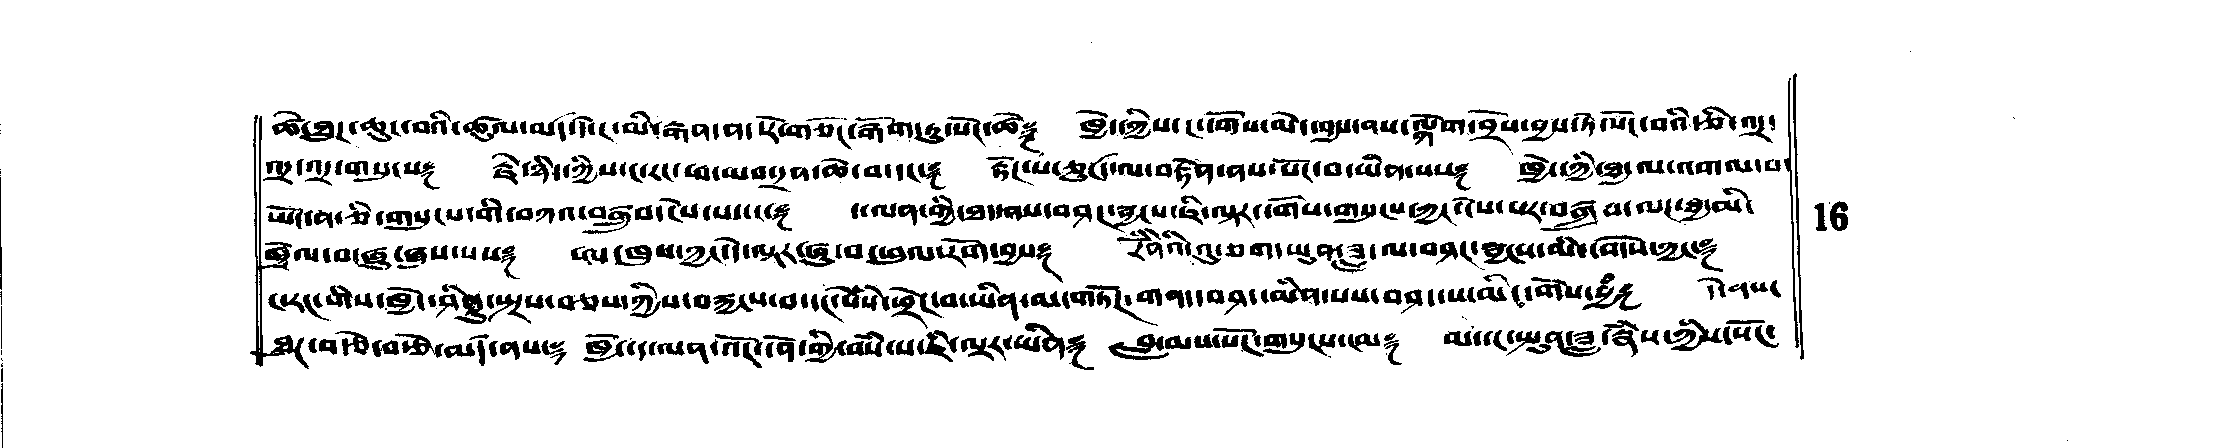ཚེ་ཐུགས་ཆུང་བའི་ཚུལ་མཛད་དེ་ང་མི་རྒན་ནད་རོ་ཅོང་སྒོག་ཏུ་སོང་ཚེ། ཁྱོད་ཀྱིས་ང་དགོས་མེད་བྱས་ནས་ལྐོག་བྲོས་བྱས་ཏེ་སོང་བས་ཅི་འདྲ་
འདྲ་འདྲ་གསུངས། རྗེ་ཉིད་ཀྱིས་ང་རང་ཕ་ཡབ་དྲན་ཆེ་བ་དང་། རྟོགས་༼རྟོག་?༽པ་ཅུང་ཟད་ལ་བརྟེན་ནས་སོང་བ་ཡིན་པས། ཁྱོད་ཀྱི་ཐུགས་ལ་འགལ་བ་
ཡོད་ན་ཅི་གསུང་གི་བཀའ་བསྒྲུབ་ངེས་པ་དང་།ད་ལན་གྱི་ཐད་ནས་བཤགས་སྦྱངས་ཇི་ལྟར་དགོས་གསུངས་ཀྱང་ངེས་པར་བསྒྲུབ་ལགས་ཐུགས་མི་
ཁྲེལ་བ་ཞུ་ཞུས་པས། ཨ་ཁུས་ཀྱང་དེ་ལྟར་ཞུ་བ་ཕུལ་རོགས་བྱས། རིན་པོ་ཆེའི་འུ་ཅག་སྤུན་ཟླ་ལ་བཤགས་སྦྱངས་མི་དགོས་ཀྱང་། 
ང་རང་གིས་ཁྱོད་ཤིན་ཏུ་སྤྲས་བཅས་༼གཅེས་སྤྲས་?༽ཀྱིས་བསྐྱངས་པ་དང་སེམས་ཕྲེང་བ་ཡིན་མ་གཏོགས་གནད་བཤད་མིན་པས་བཤགས་པ་མི་དགོས་གསུངས། དེ་ནས་
ཐུགས་བརྩེ་བརྩེ་མཛད་ནས། ཁྱོད་ད་ལན་འོང་དོན་གྱི་བསམ་པ་ཇི་ལྟར་ཡིན། བླ་མས་སོང་གསུངས་སམ། མ་དང་སྤུན་ཟླ་རྣམས་ཀྱིས་སོང་